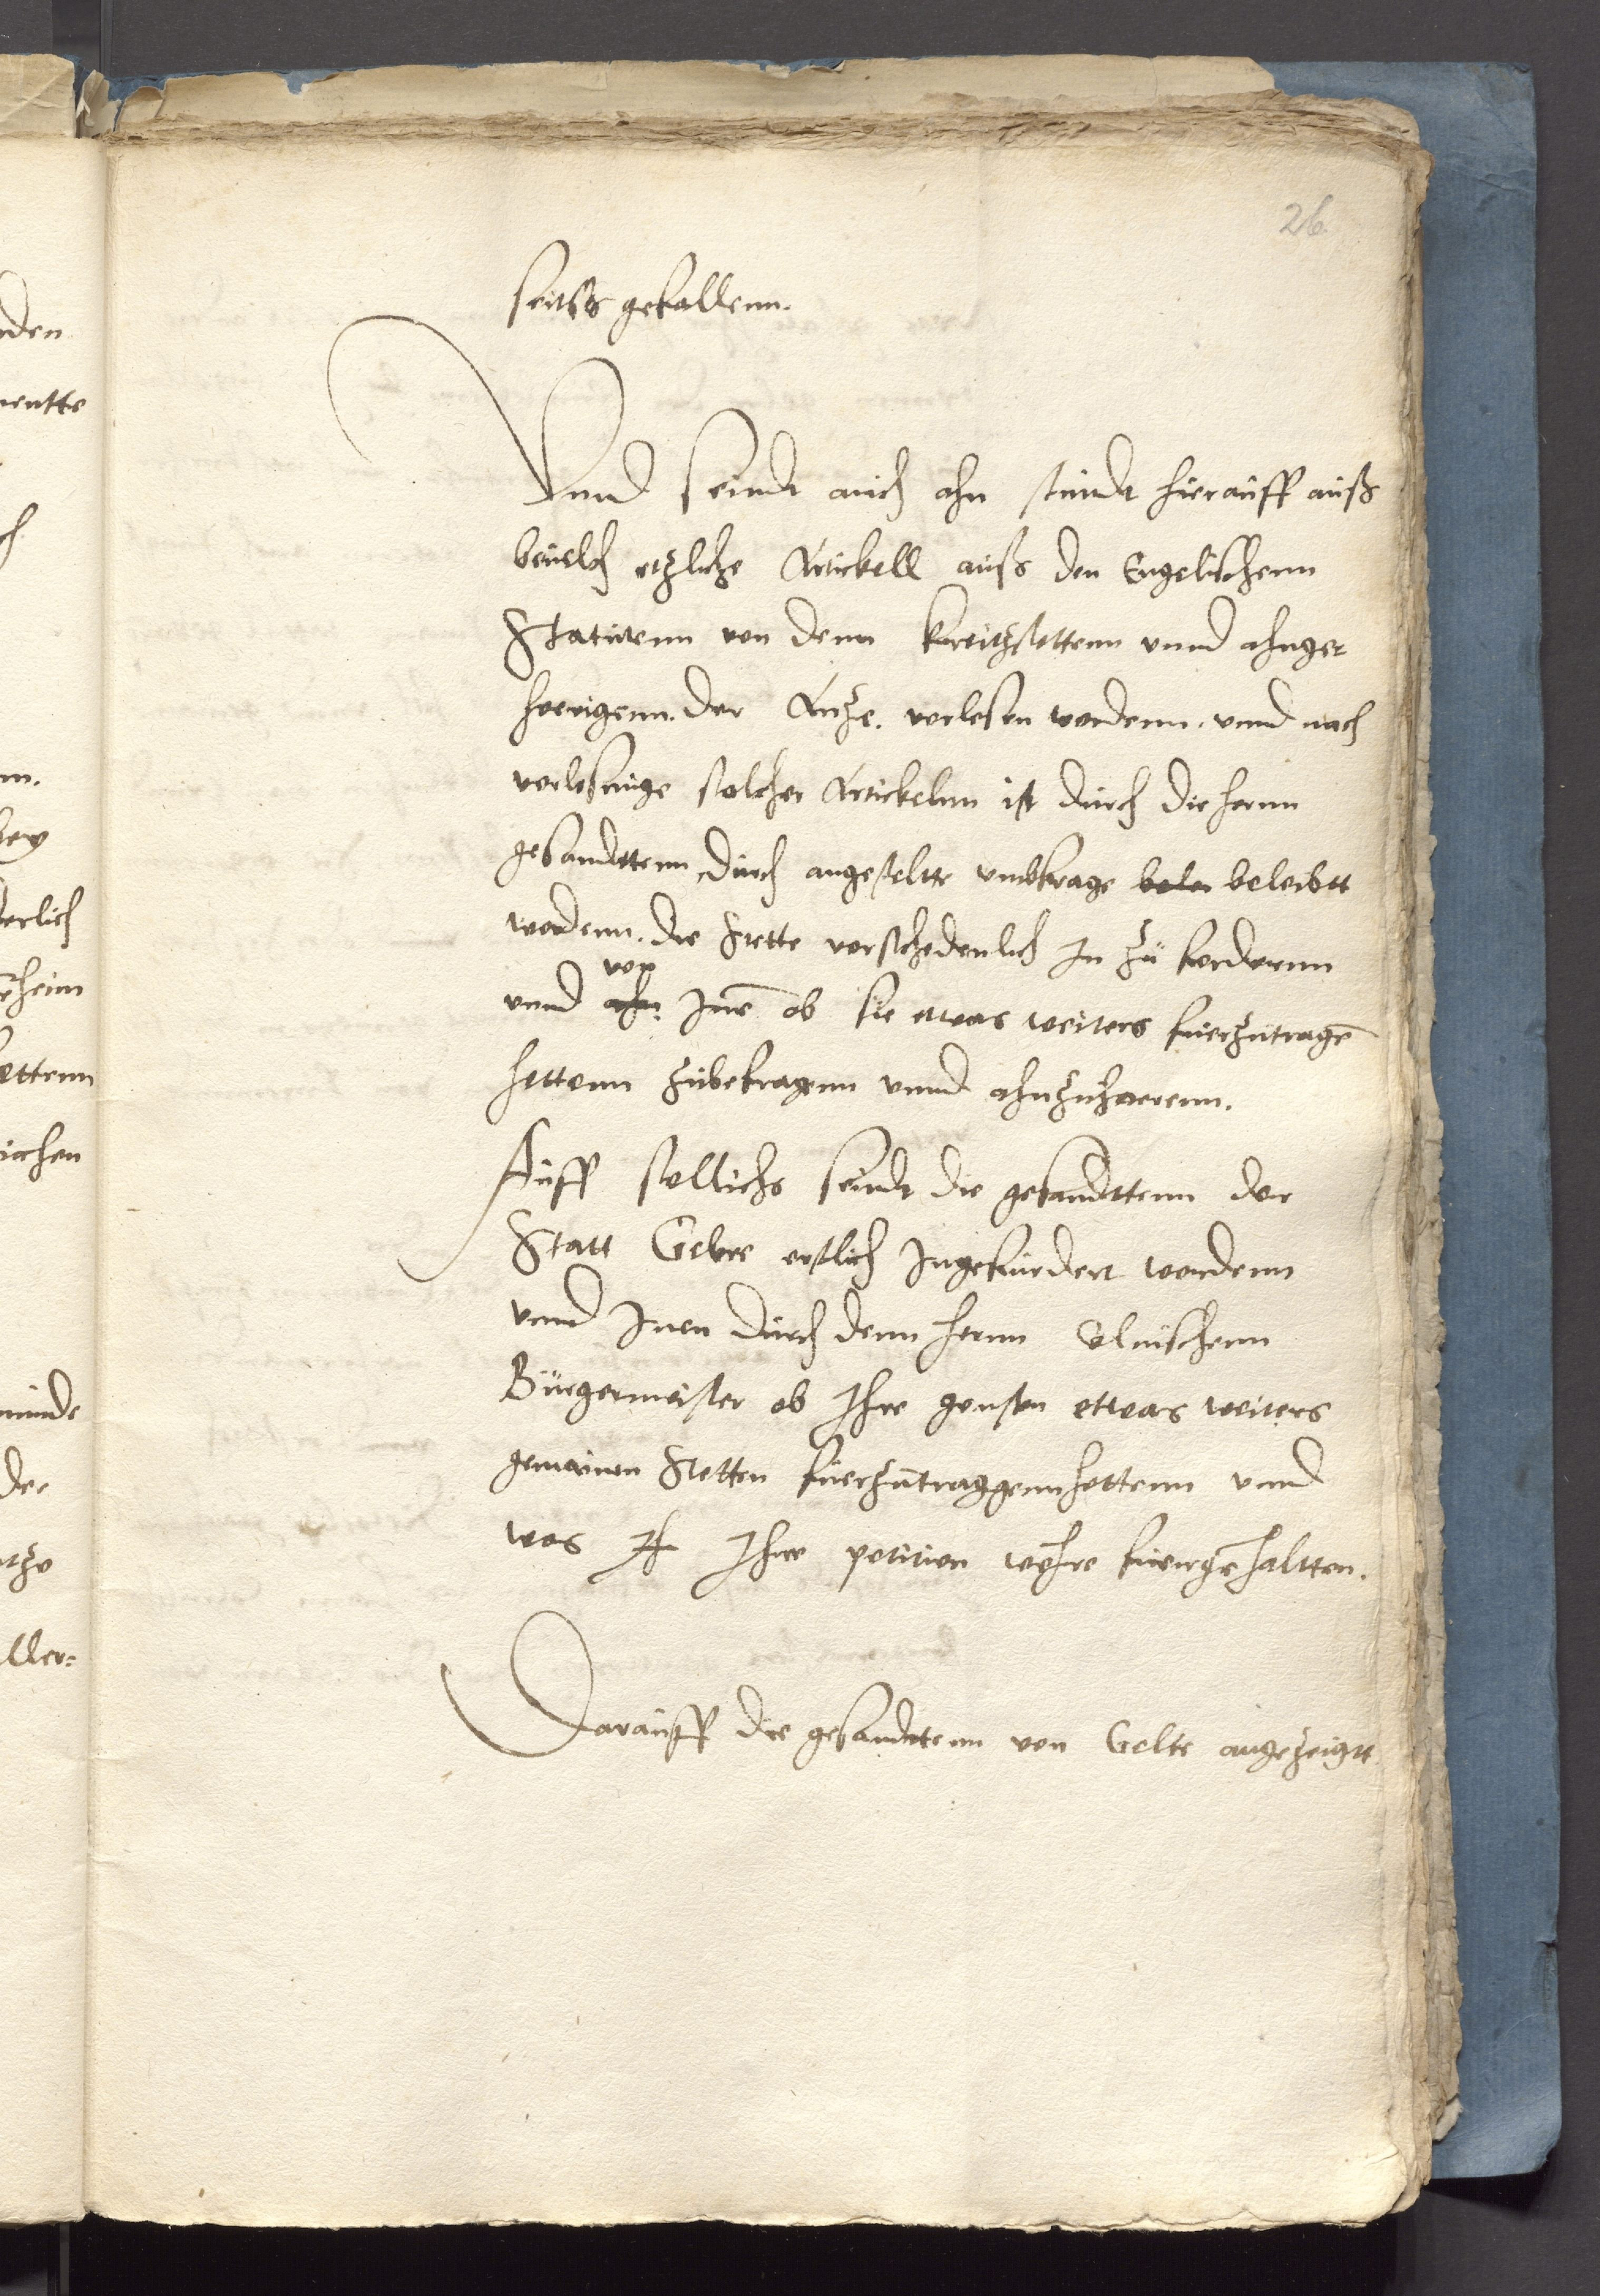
26
seits gefallenn,
Vnnd seindt auch ahn stundt hierauff auß
beuelch etzliche Artikell auß den Engelischenn
Statuten von denn Kreitzstettenn vnnd ahnger¬
hoerigenn der Anze vorlesen werdenn, vnnd nach
verlesunge solcher Artickelnn ist durch die hernn
gesandttenn, durch angesteltte vmbfrage beler beleibtt
wordenn die Stette vorschedenlich Jn zu fordernn
vor
vnnd ag Jre ob sie etwas weiters fuerzutragen
hettenn zubefragenn vnnd ahnzuhoerenn.
Auff solliche stundt die gesandttenn der
Statt Gelre erstlich Jngefurdert werdenn
vnnd Jnen durch denn hernn colnischenn
Burgermeister ob Jhre gensten etwas weiters
gemaine Stetten fuerzutraggenn hettenn vnnd
was f Jhre poetition wehre fuergehaltten.
Darauff die gesandtten von Gelte angezeiget
